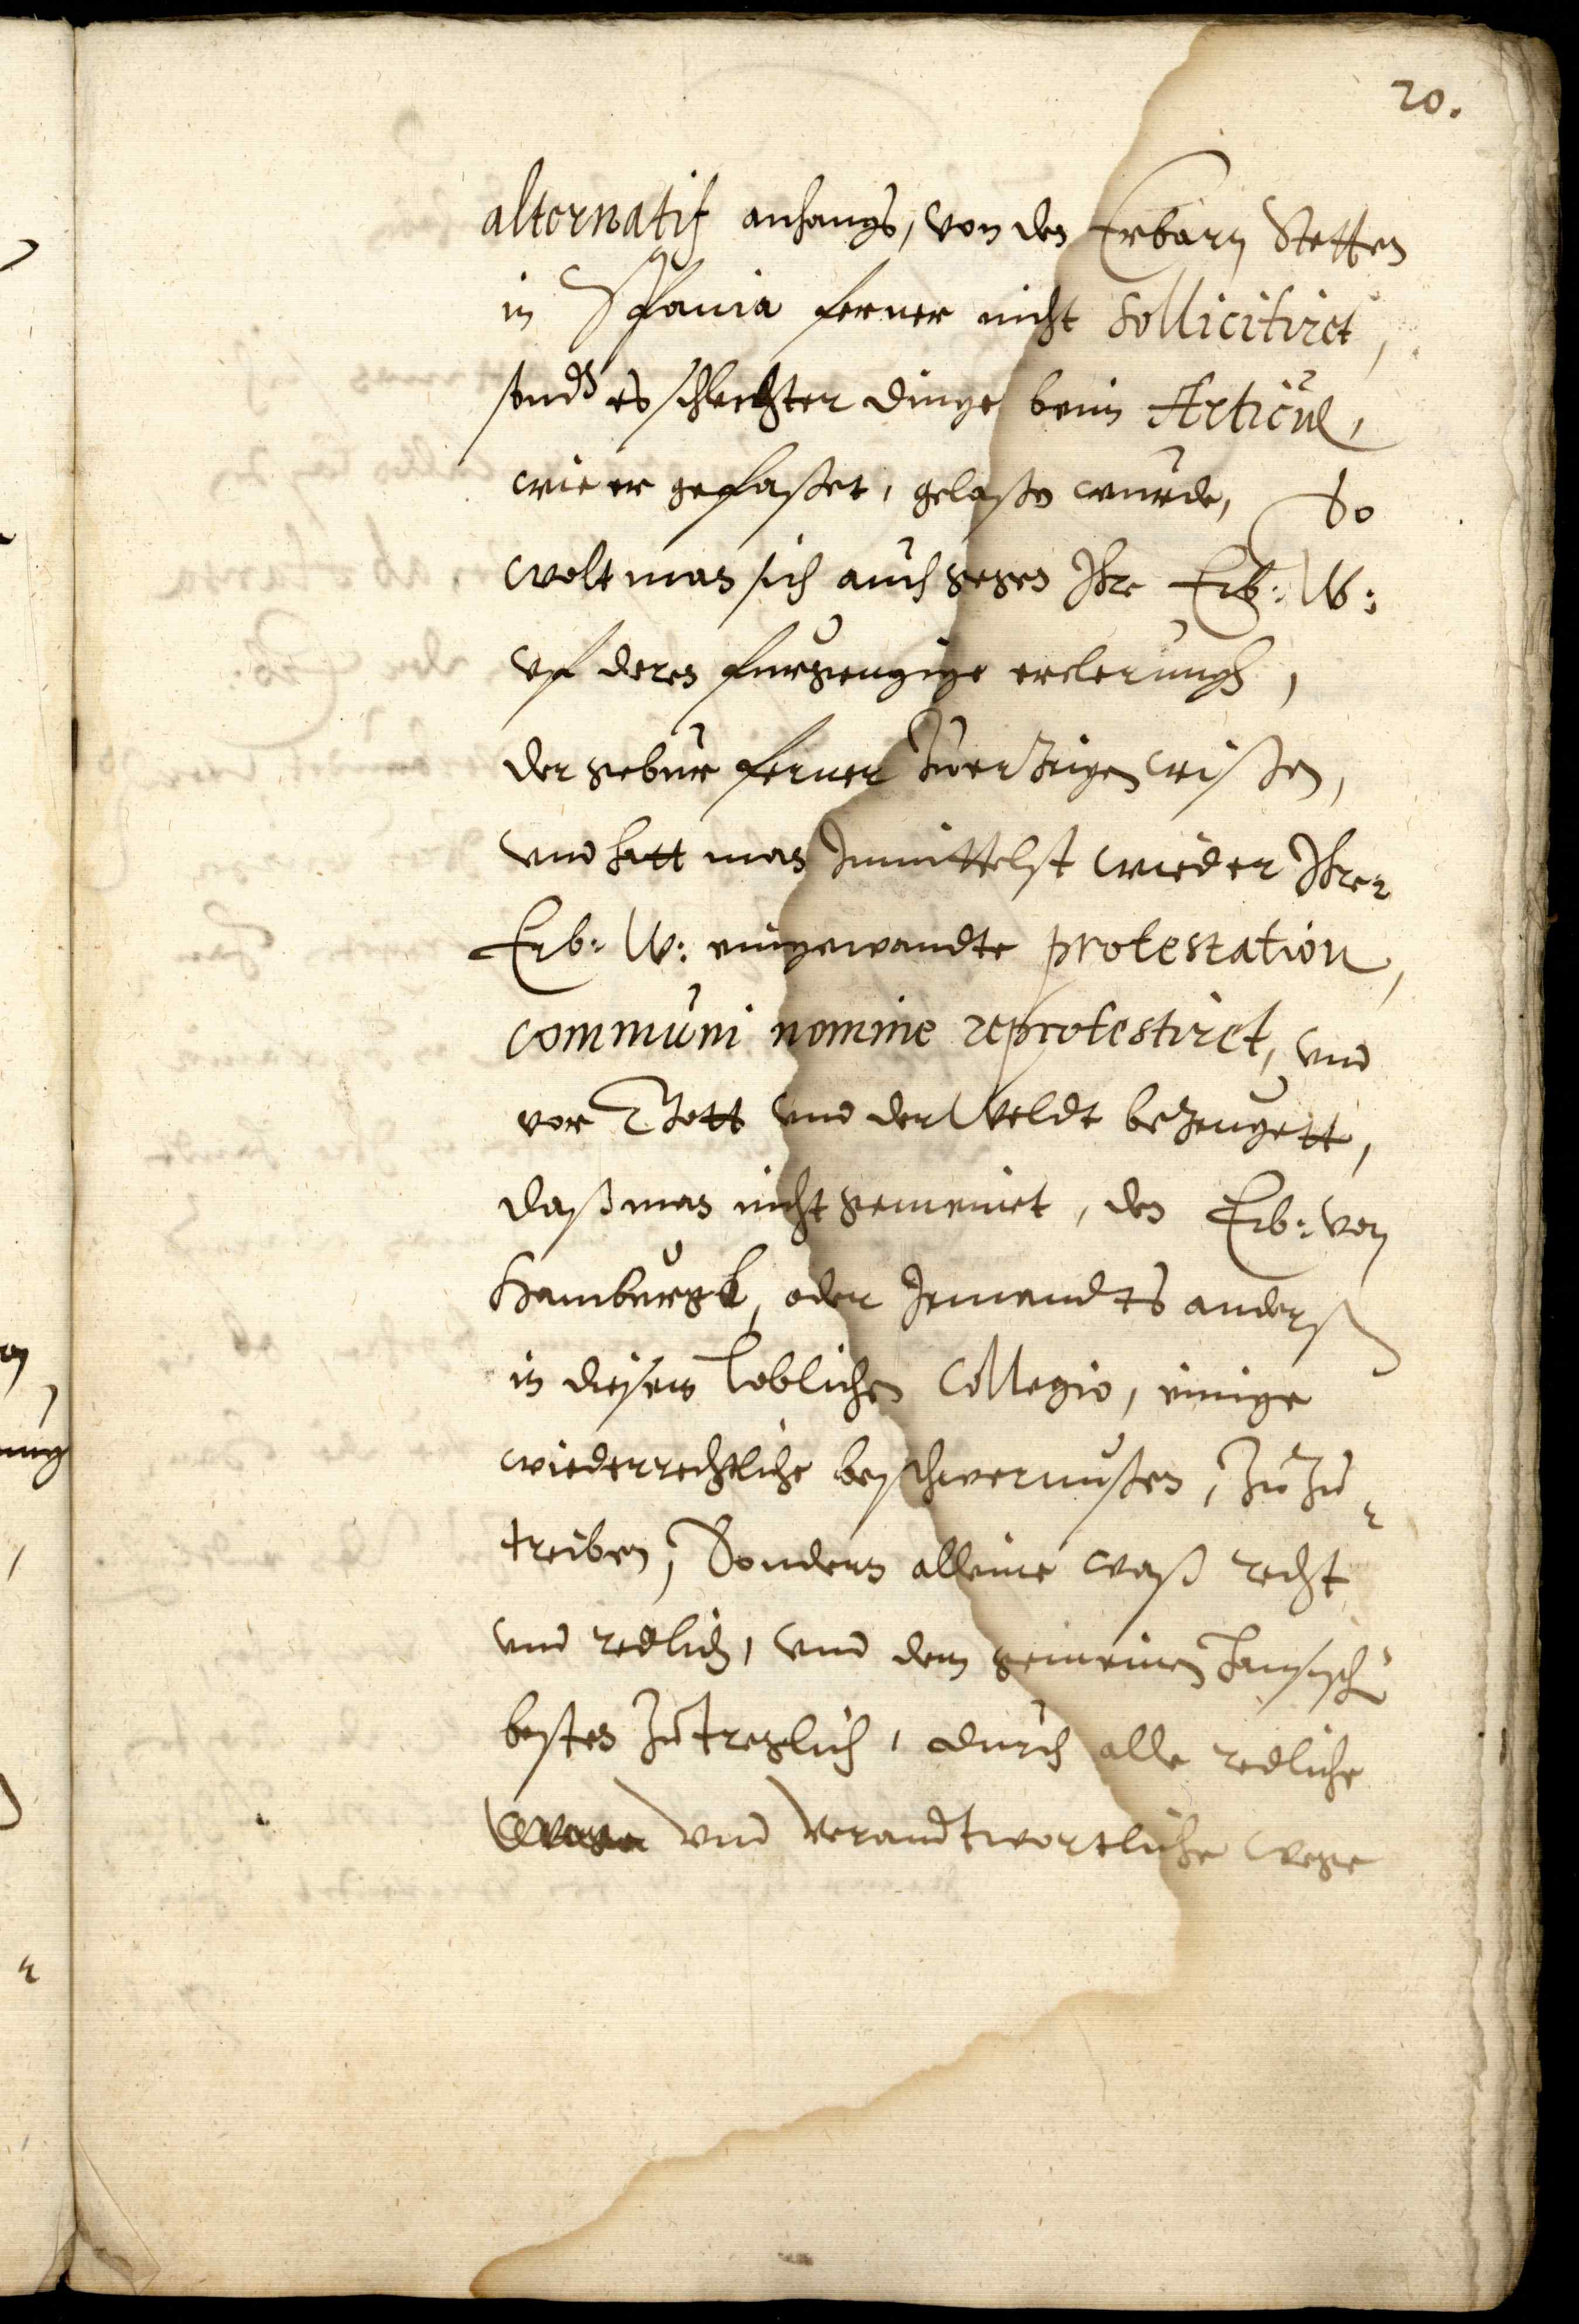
20.
alternatif anfangs, von den Erbarn Stetten
in Spania ferner nicht sollicitiret,
sondern es schlechten dinge beim Articul,
wie er gefaßet, gelaßn wurde, so
wolt man sich auch gegen Ihre Erb: M:
vf deren furgengige erclenungh,
den gebur fernen zuerzeigen wißen,
vnd hatt man Inmittelst wieden Ihrer
Erb. M. nungepandte protestation,
communi nomine reprotestiret, vnd
vor Gott vnd der Weldt bezeugett,
daß man nicht gemeinet, den Erb: von
Hamburgk, oder jemandts anderß
in diesem loblichen collegio, einige
wiederrechtliche beschwernußen, inzu¬
treiben, Sondern alleine waß recht
vnd redlich, vnd dem gemeinen Hansischen
bestens zutreglich, durch alle redliche
xxxxx vnd verandtwortliche wege
